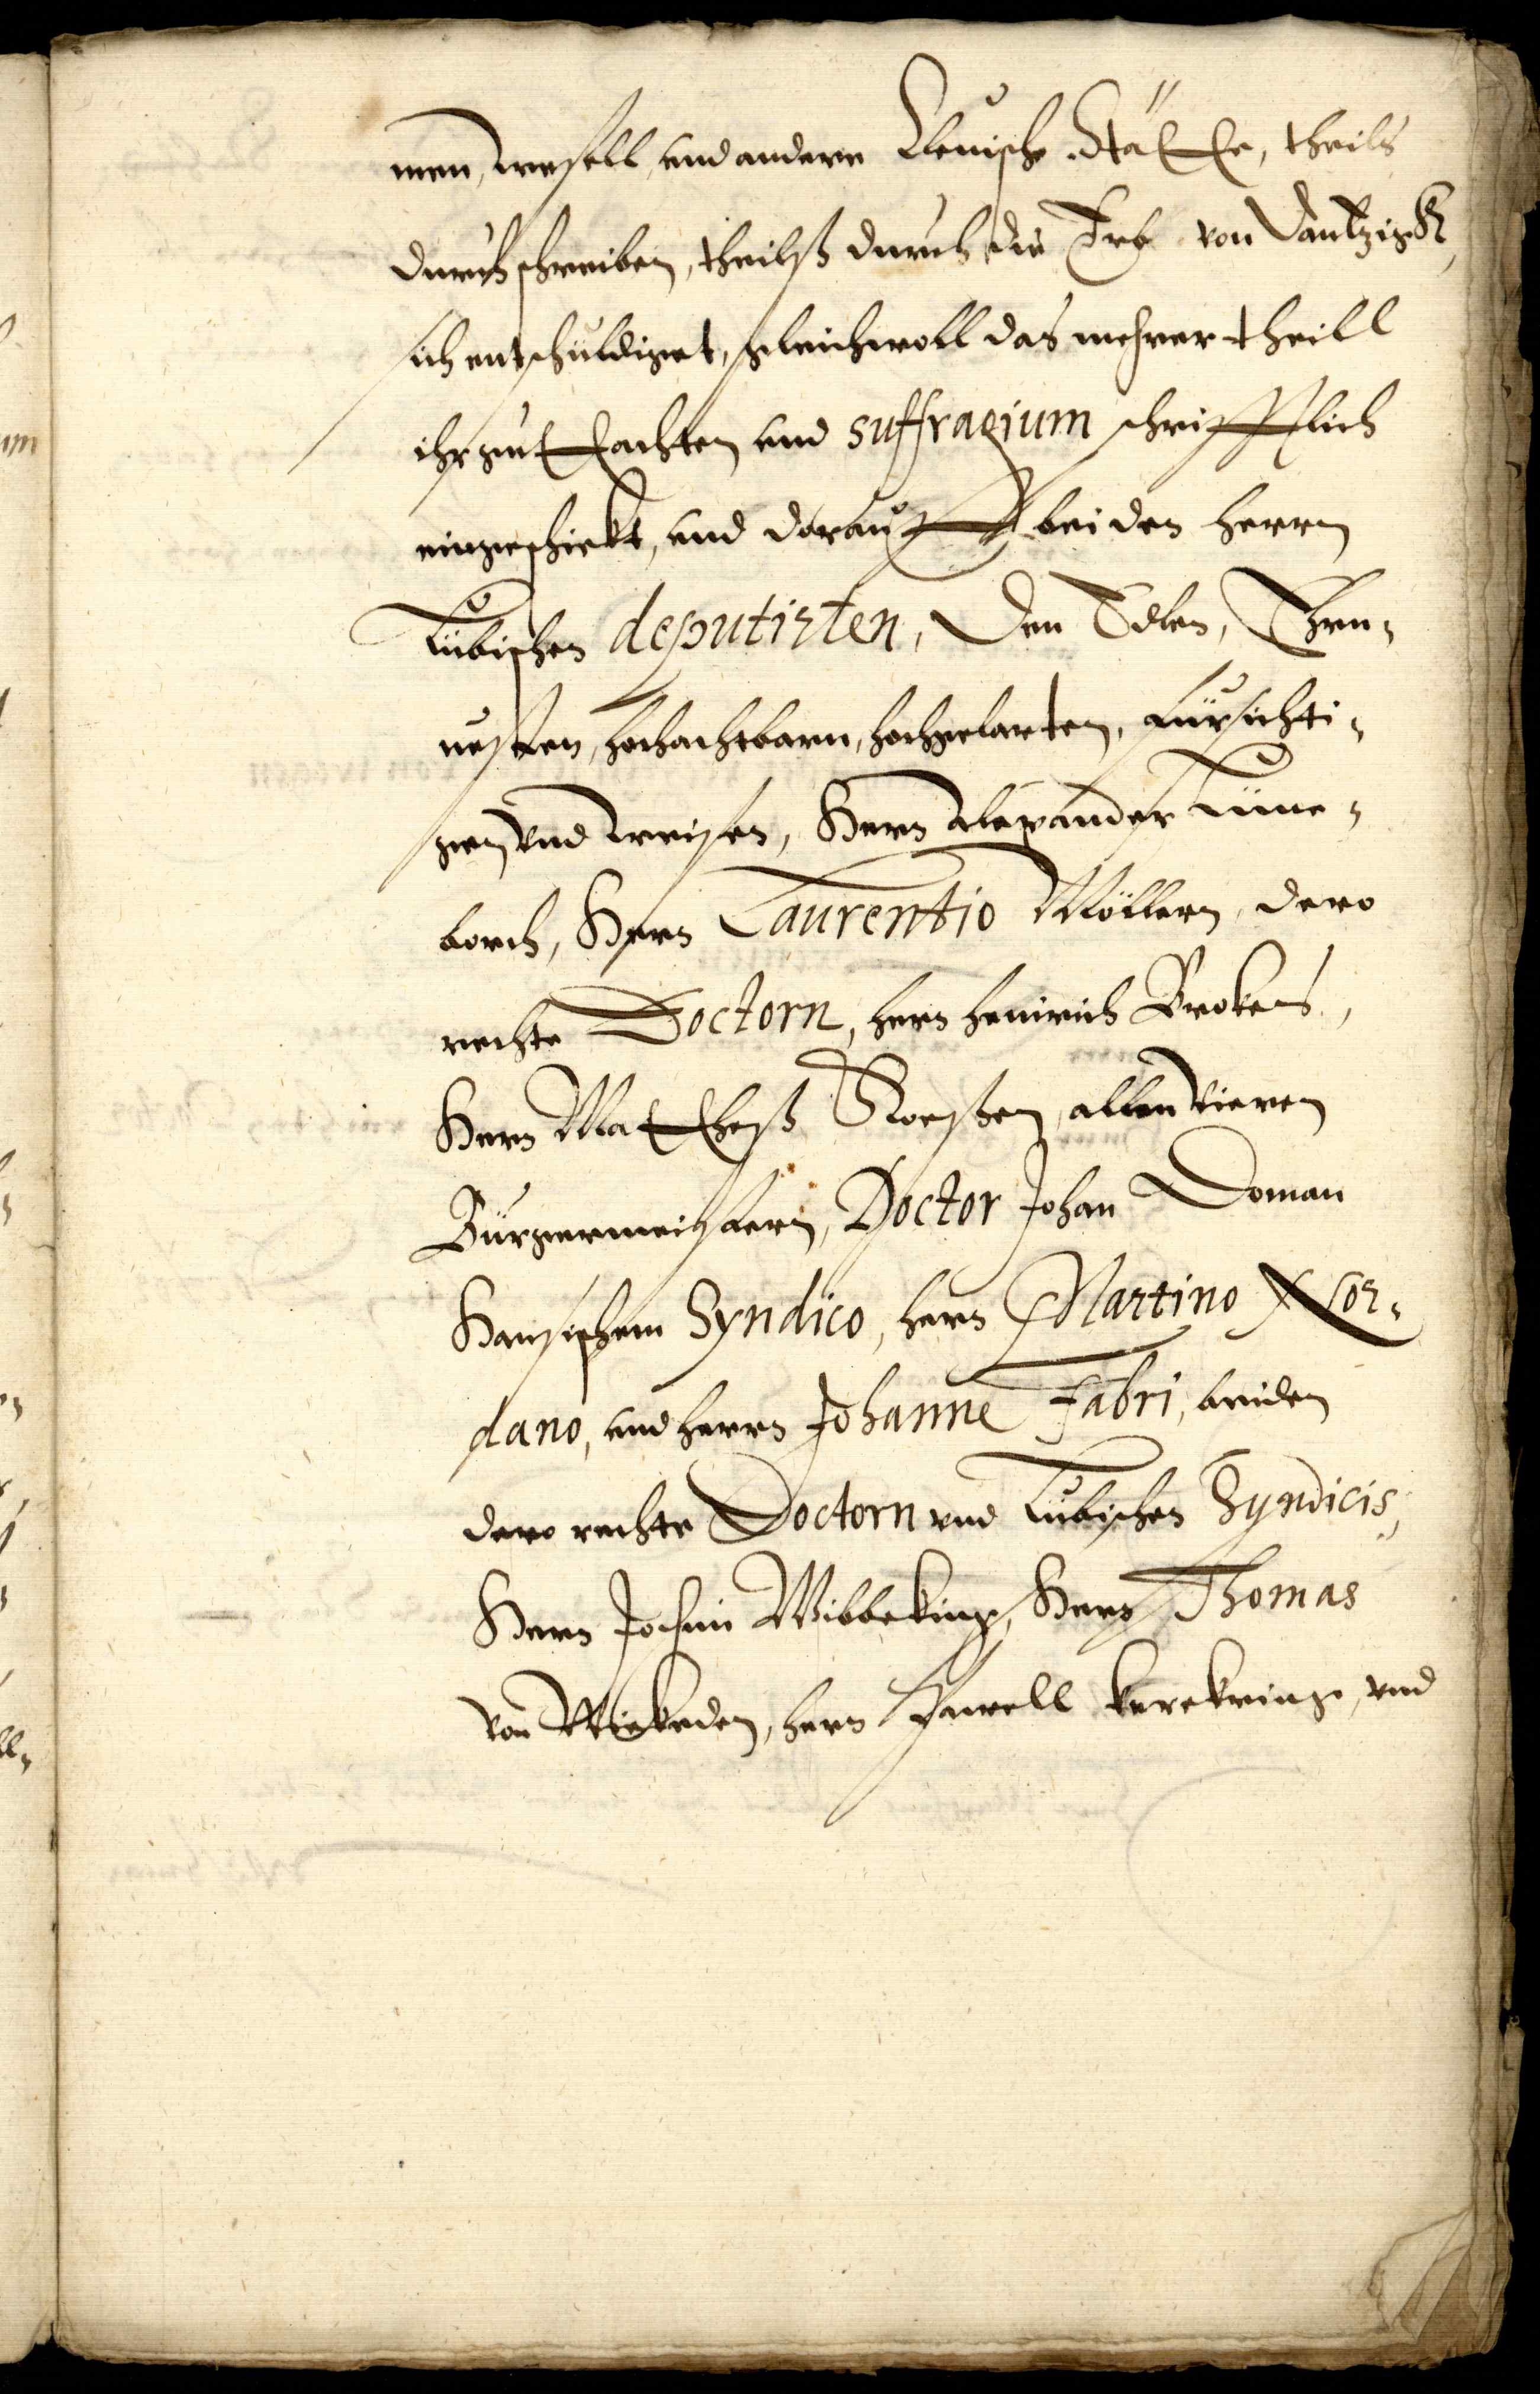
men, Wesell vnd andere Cleuische Stätte, theils
durch schreiben, theilß durch die Erb von Dantzigk
sich entschüldiget, gleichwoll das mehrer theill
ihr guttachten vnd suffragium schrifftlich
eingeschickt, Vnd darauff bei den herrn
Lübischen deputirten, Den Edlen, Ehrn¬
uesten, hochachtbaren, hochgelarten, fürsichti¬
gen Vnd Weisen, Hern Alexander Lüne¬
borch, Hern Laurentio Möllern, dero
rechte Doctorn, hern heinrich Brokes,
Hern Mattheß Korßen, allen Vieren
Bürgermeistern, Doctor Iohan Doman
Hansischem Syndico, Hern Martino Nor¬
dano, Vnd Herrn Iohanne Fabri, beiden
dero rechte Doctorn vnd Lübischen Syndicis,
Hern Iochim Wibbeking, Hern Thomas
Von Wickeden, hern Pawell Kerckering, vnd
